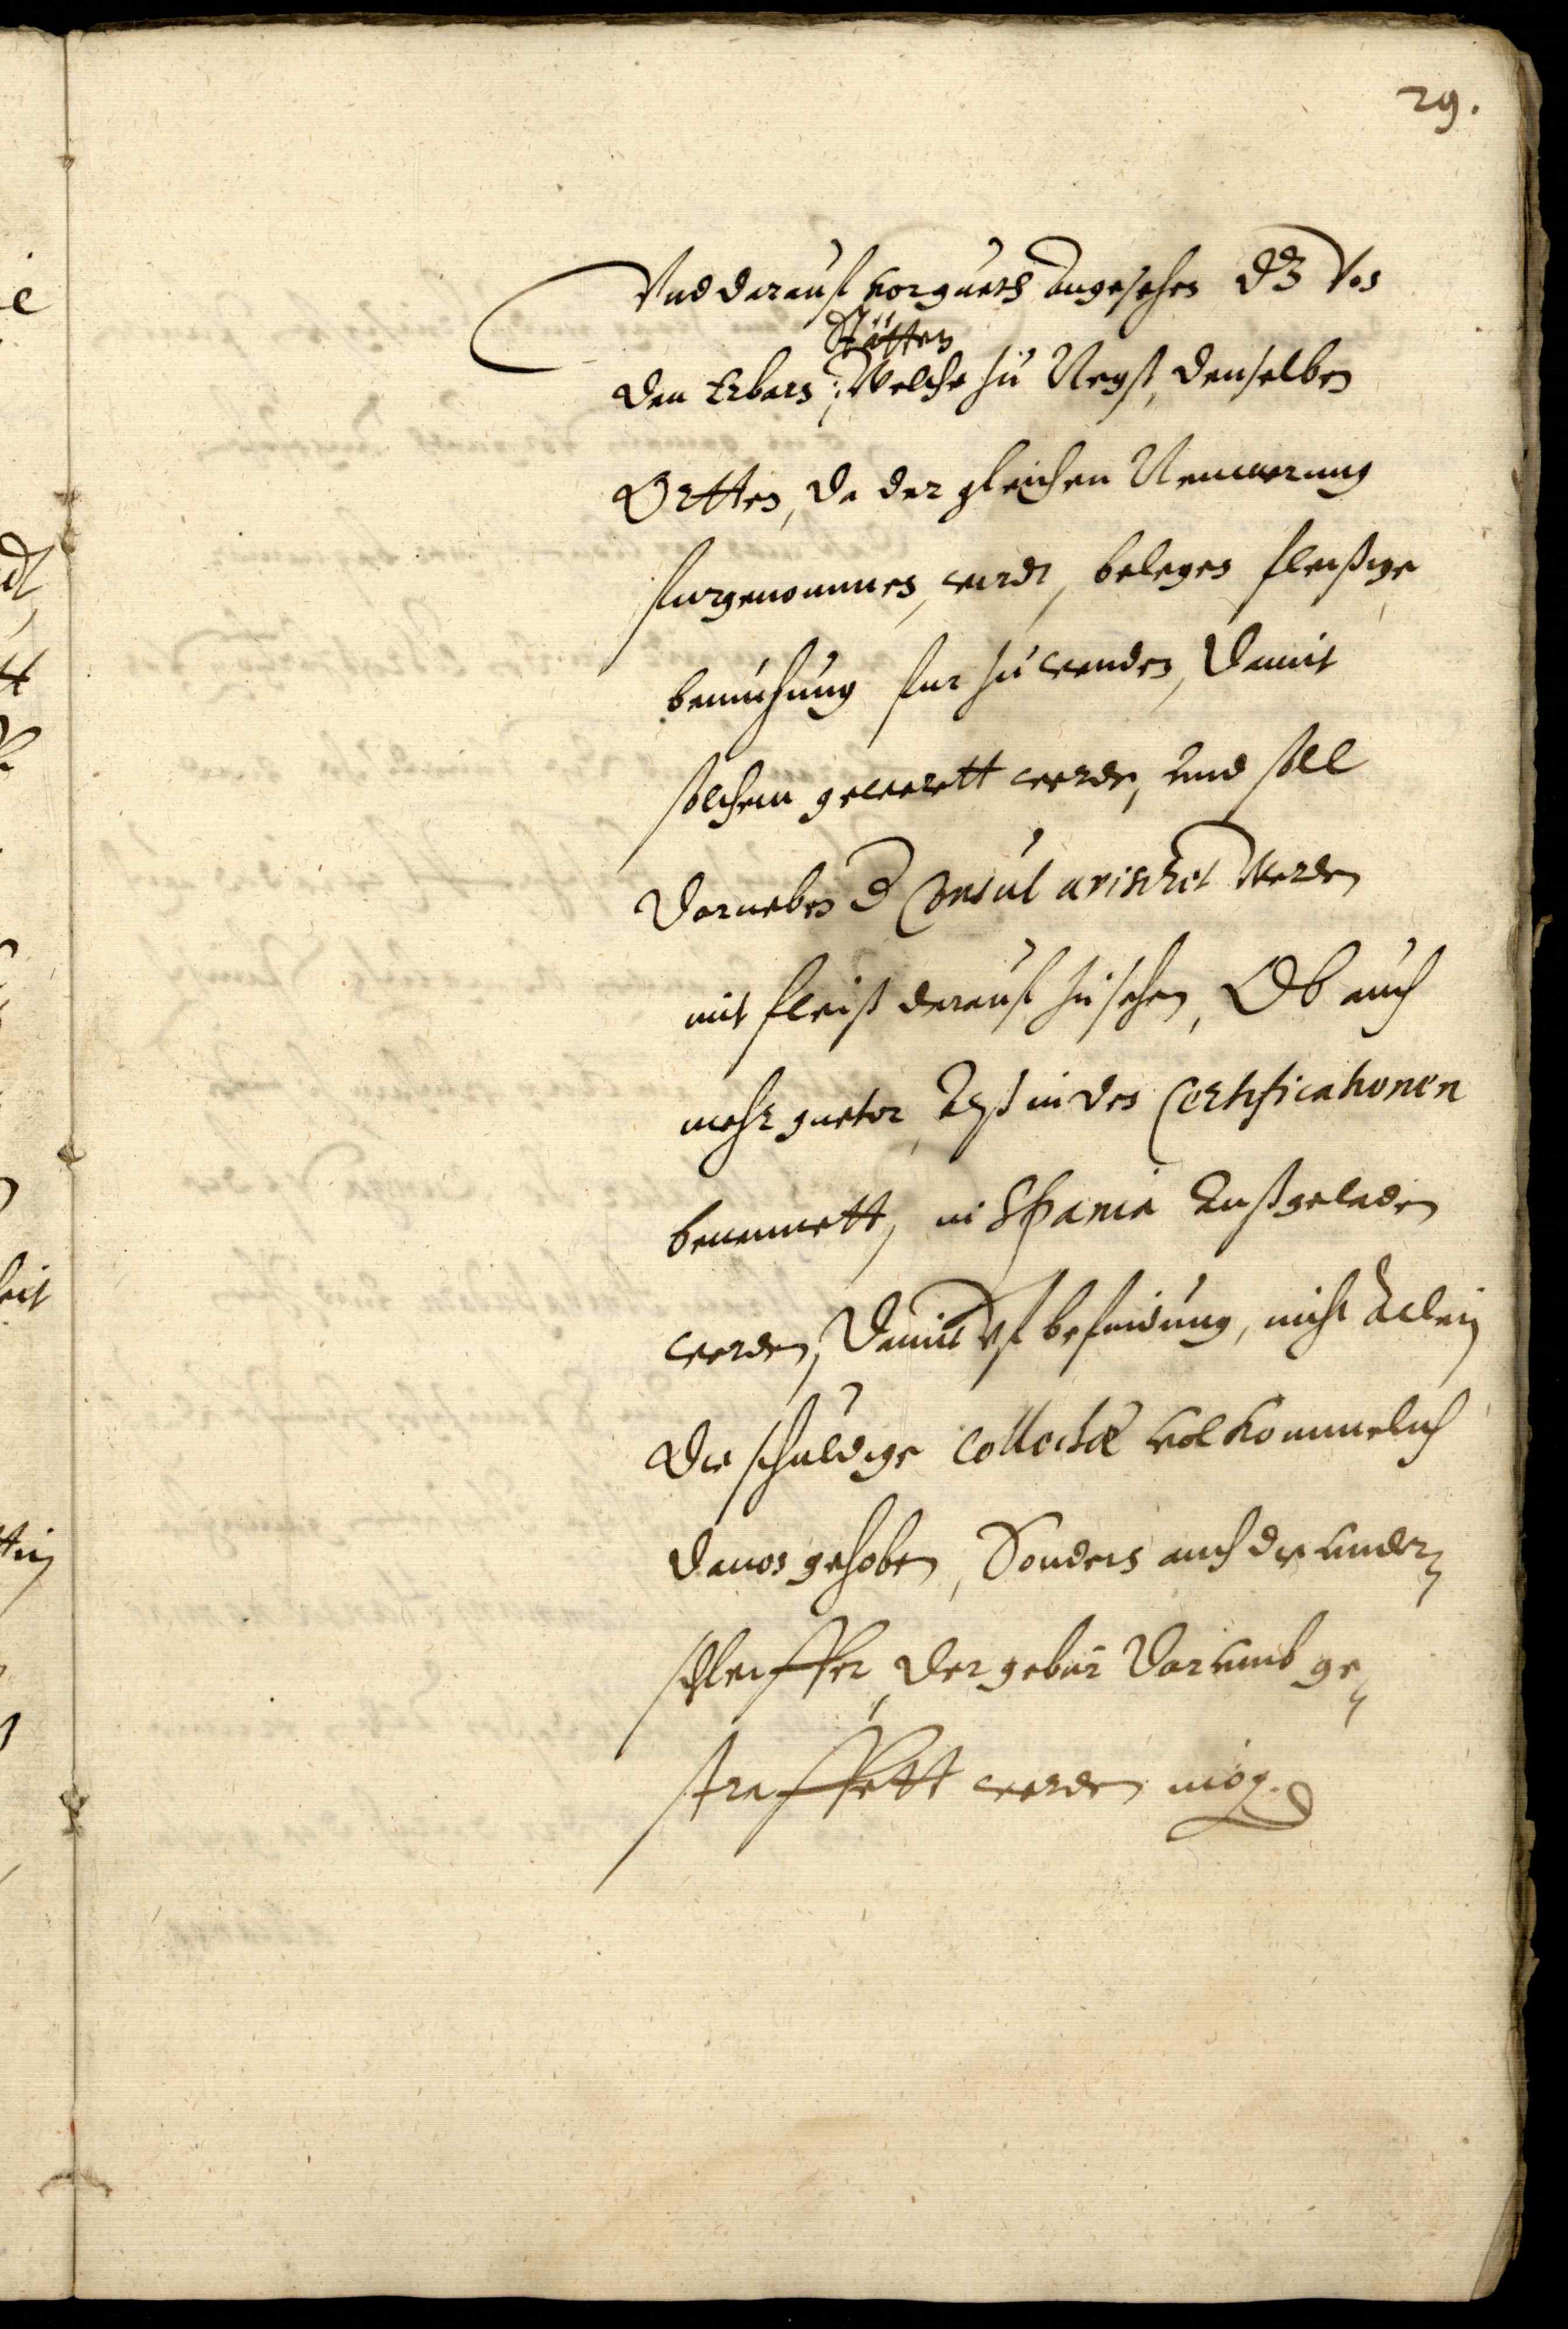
29.
vnd darauf vorgueth angesehen das von
+ Stätten
den Erbarn: + welche zu Negst, denselben
Ortten, da der gleichen Newerung
furgenommen, wirdt, belegen fleißige
bemuhung fur zu werden, Damit
solchem gegewertt werde, vnd soll
darneben der Consul avisiret werden
mit fleiß derauf zusehen, Ob auch
mehr gueter, Als in den Certificationen
benennett, in Spania Außgeladen
werden, damit vf befindung, nicht Allein
die schuldige collectae volkommelich
dauon gehoben, Sondern auch die vndren
schiffer, der gebur Darvmb ge¬
straffet werden möge.
